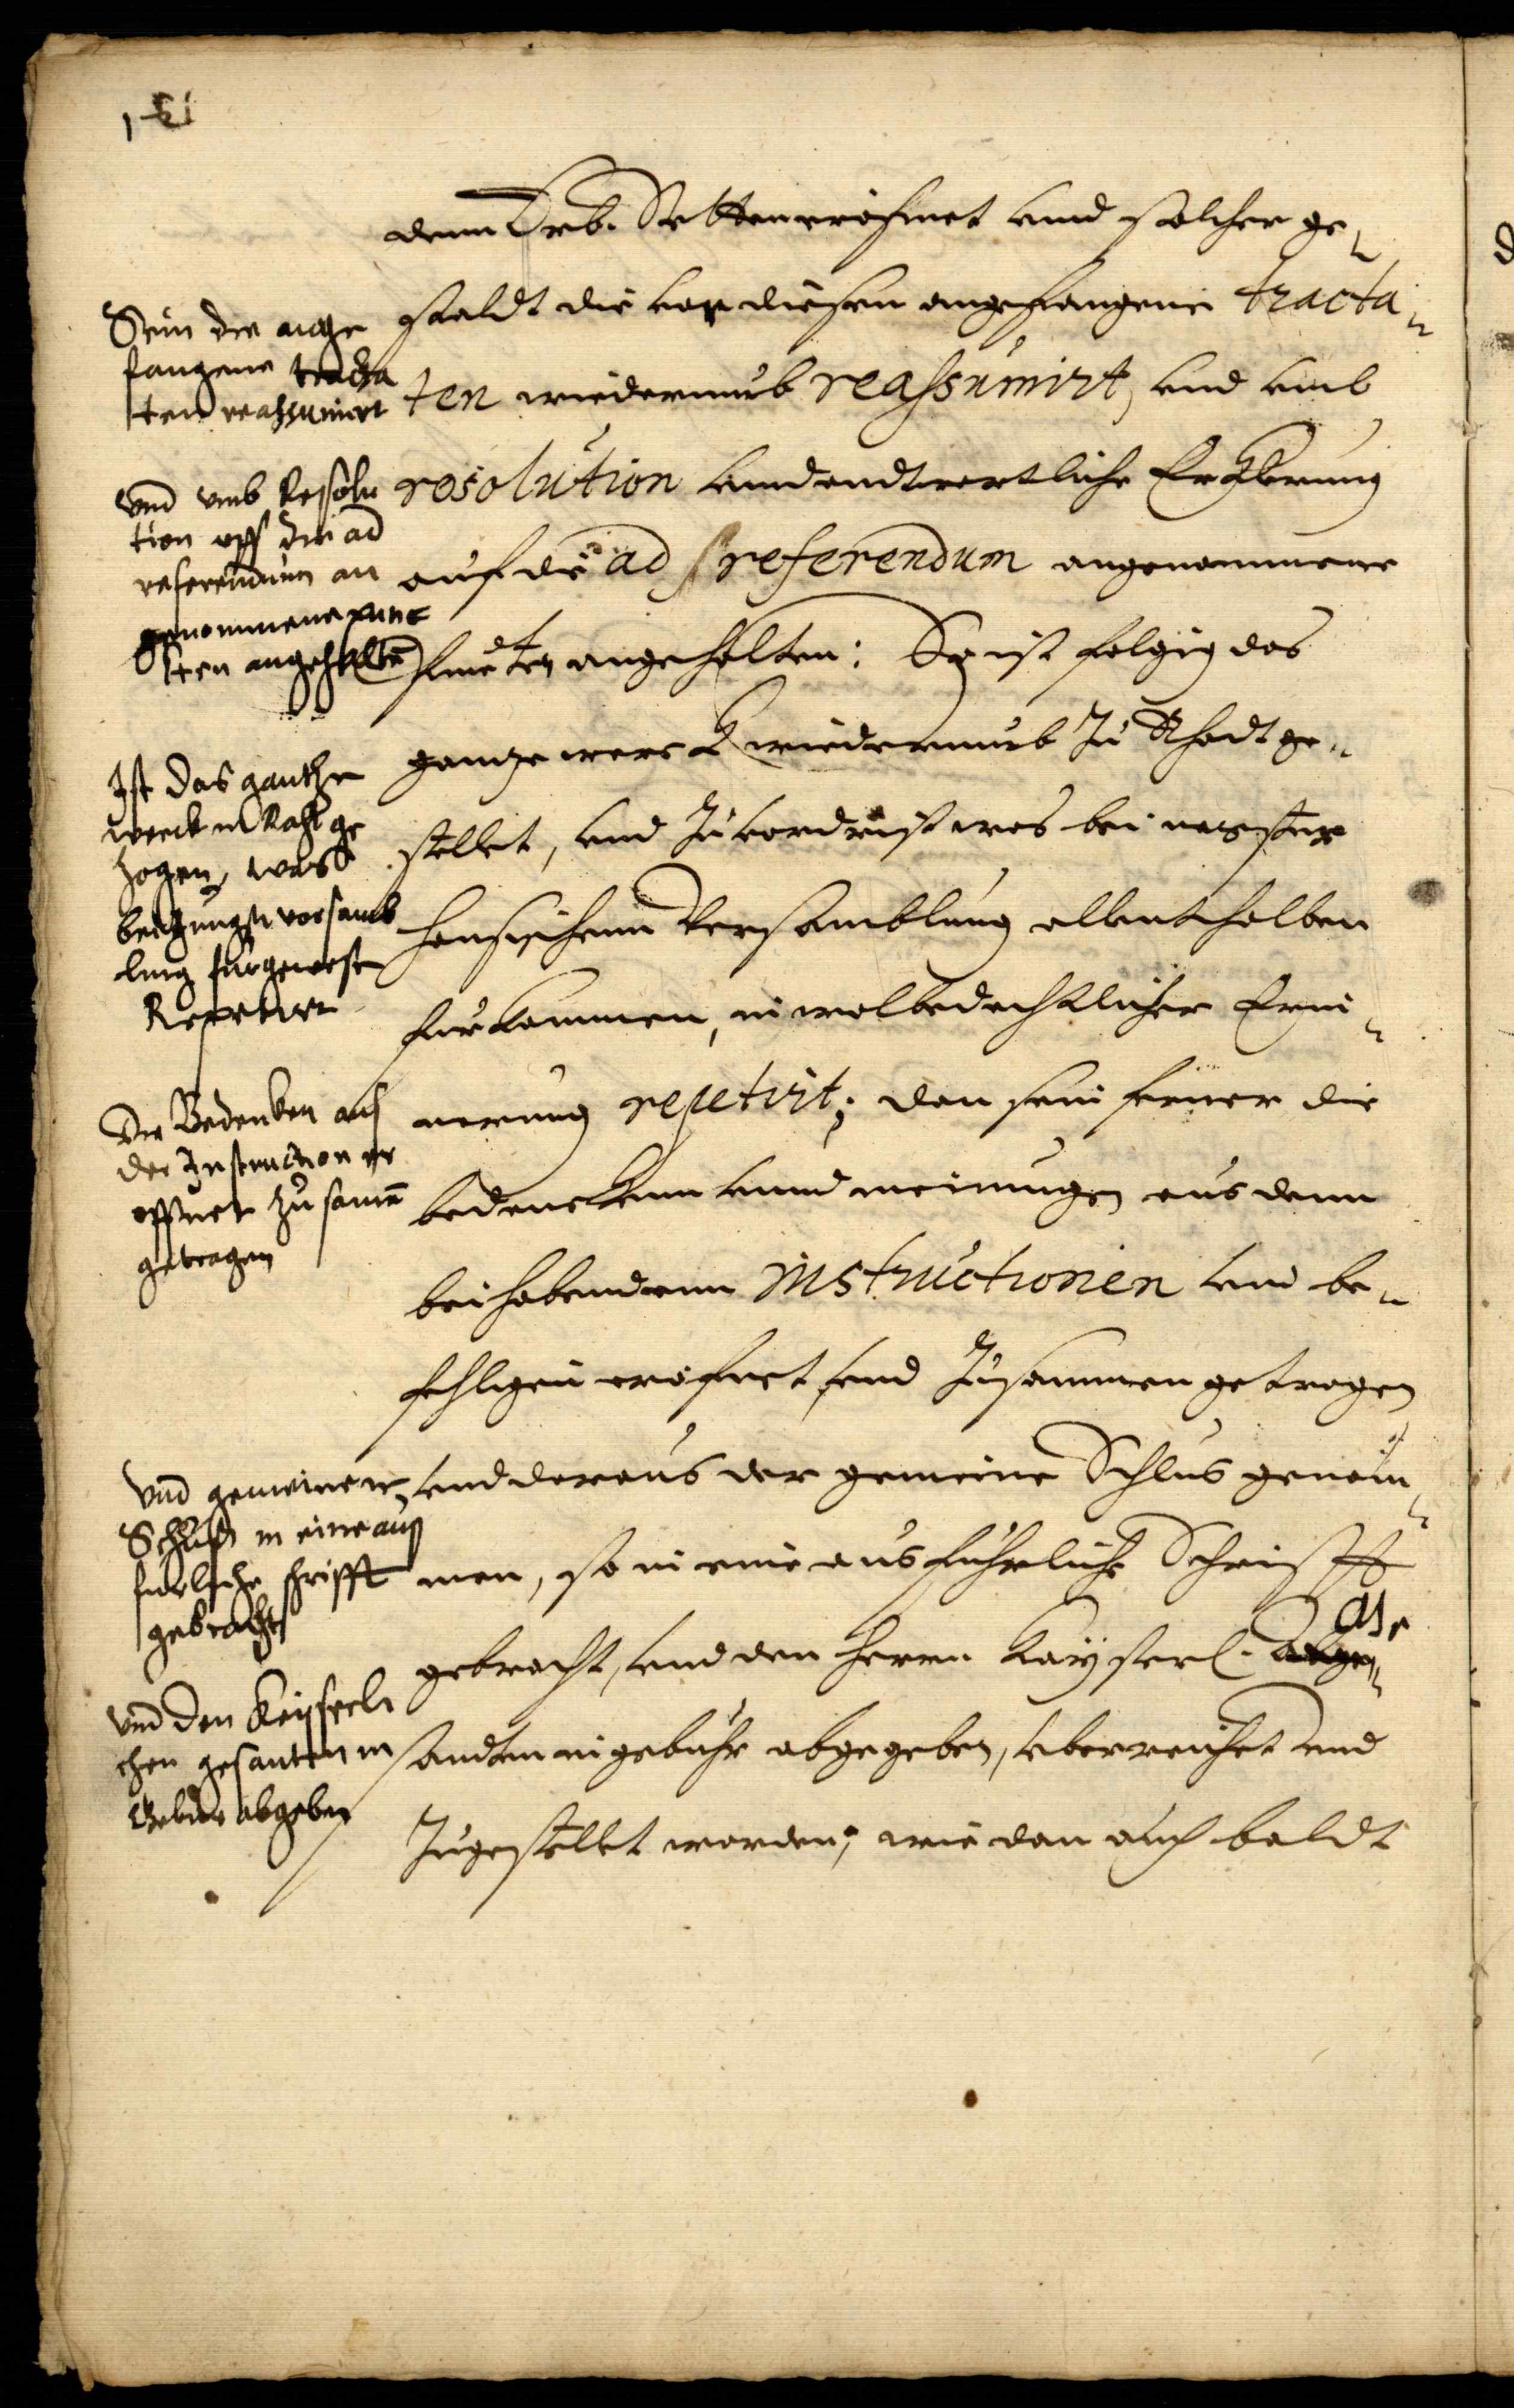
12
denn Erb. Stetten eröfnet vnnd solcher ge¬
staldt die vor diesen angefangene tracta¬
ten wiederumb reassumirt, vnd vmb
resolution vnnd endtwertliche Erklerung
auf die ad referendum angenommene
Puncten angehalten: So ist folgig das
gantze werck wiederumb zu Rhadt ge¬
stellet, vnd zu vordrist wes bei negster
hansischenn Versamblung allenthalben
furkommen, in wolbedechtlicher Erin¬
nerung repetirt; dan sein ferner die
bedencken vnnd meinungen aus denn
beihabendenn instructionen vnd be¬
fehligen eröfnet vnd zusammen getragen
vnd daraus der gemeine Schlus genom¬
men, so in eine ausfuhrliche Schriftt
Ge¬
gebracht, vnd den herrn Kayserl. Abge
sandten in gebuhr abgegeben, vberreichtet vnd
zugestellet worden; wie dan auch baldt
Sein die ange
fangene tracta
ten reassumirt
vnd vmb Resolu
tion vff die ad
referendum an
genommene punc
cten angehalten
Ist das gantze
werck in Raht ge
zogen, wes
bei Jungsten vorsamb
lung fur gewesen
Repetirt
Die Bedenken aus
der Instruction er
offnet zu samen
getragen
Vnd gemeiner
Schluß in eine auß
furliche schrifft
gebracht
vnd den Keyserli
chen gesanten in
Gebur abgeben
